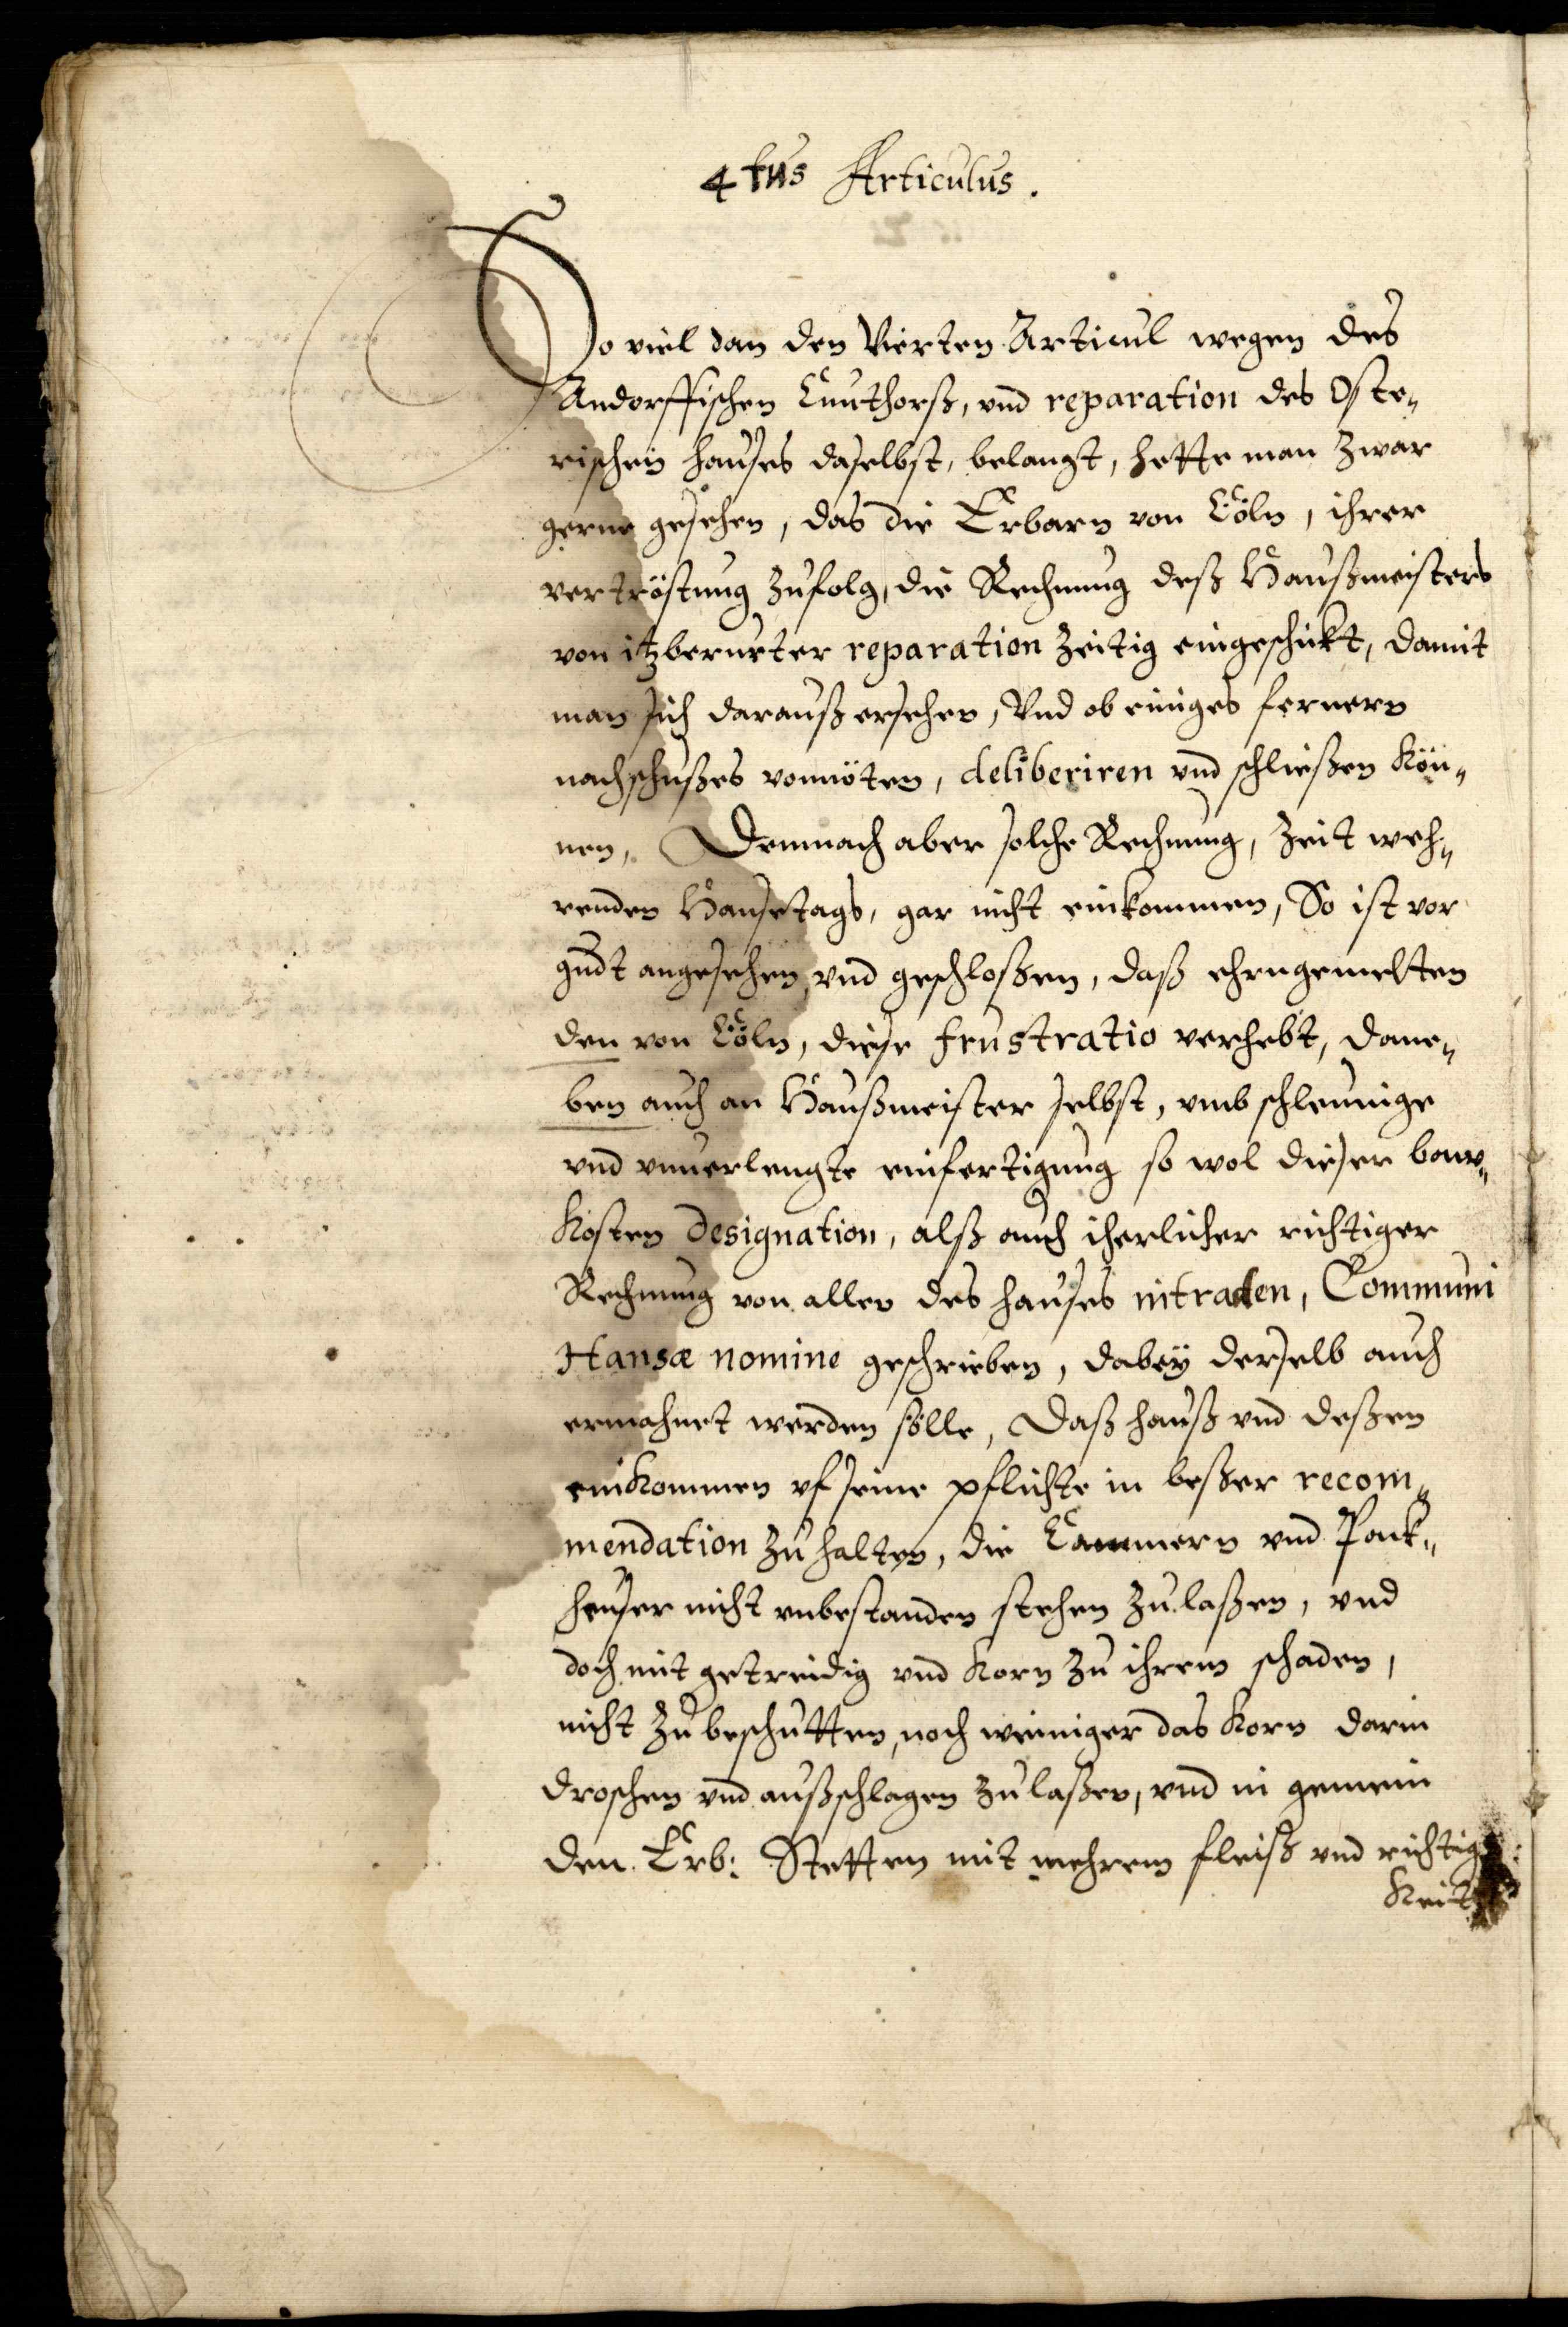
4 tus Articulus.
So viel dan den Vierten Articul wegen des
Andorffischen Cunthorß, vnd reparation des Oste¬
rischen hauses daselbst, belangt, hatte man zwar
gerne gesehen, das die Erbarn von Cöln, ihrer
vertröstung zufolg, die Rechnung deß Hausmeisters
von itzberurter reparation zeitig eingeschickt, damit
man sich daraußersehen, vnd ob einiges ferneren
nachschußes vonnüten, deliberiren vnd schließen kön¬
nen, Demnach aber solche Rechnung, zeit weh¬
renden Hansetags, gar nicht einkommen, So ist vor
gudt angesehen, vnd geschloßen, daß ehrngemelten
den von Cöln, diese frustration verhebt, dane¬
ben auch an Hausßmeister selbst, vmb schleunige
vnd vnuerlengte einfertigung so wol dieser baw¬
kosten designation, alß auch iherlicher richtiger
Rechnung von aller des hauses intraden, Communi
Hansae nomine geschrieben, dabeij derselb auch
ermahnet werden sölle, daß hauß vnd deßen
einkommen vf seine pflichte in beßer recom¬
mendation zuhalten, die Ermmeren vnd Pack¬
heuser nicht vnbestanden stehen zu laßen, vnd
doch mit getrindig vnd korn zu ihrem schaden,
nicht zu beschutten, noch weiniger das korn darin
droschen vnd außgeschlagen zu laßen, vnd in gemein
den Erb: Stetten mit mehrem fleiß vnd richtig¬
keit
